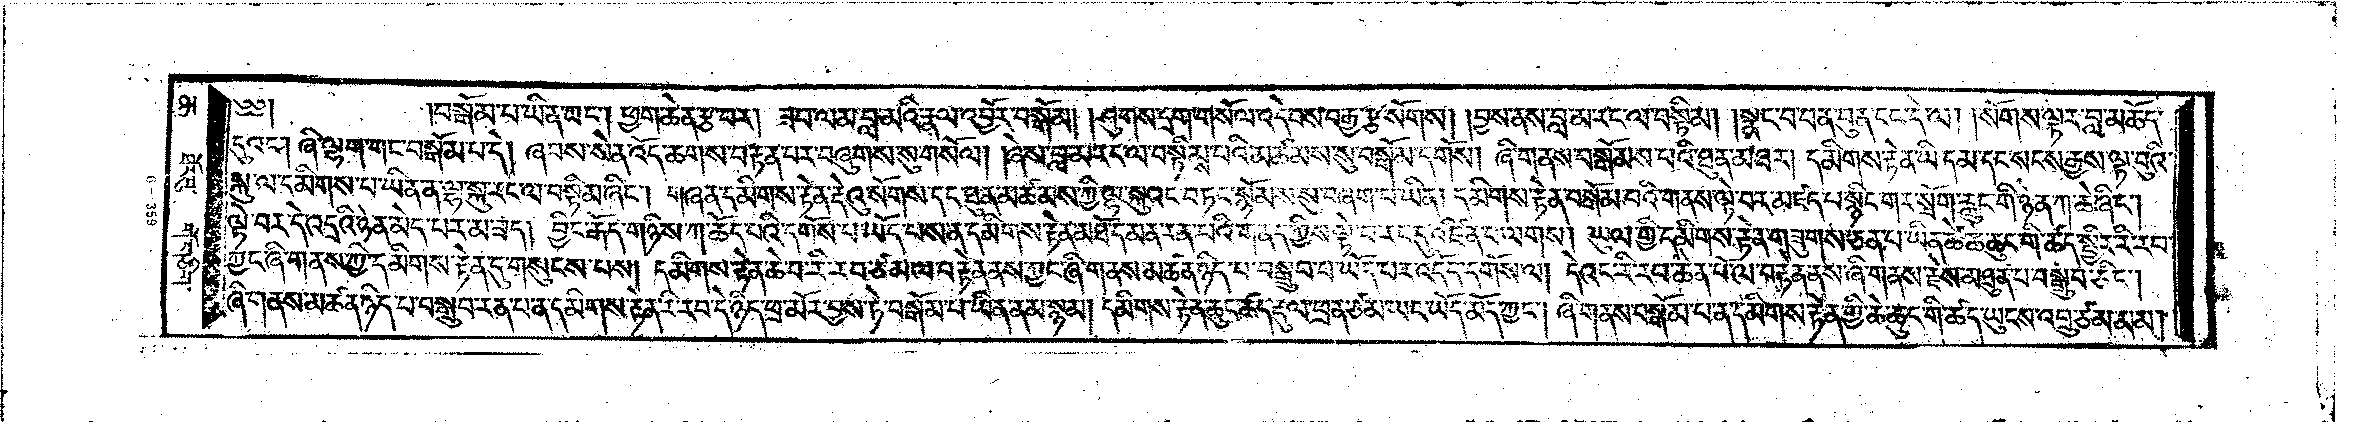༄༅། །བསྒོམ་པ་ཡིན་ཡང་། ཕྱག་ཆེན་རྩ་བར། ཟབ་ལམ་བླ་མའི་རྣལ་འབྱོར་བསྒོམ། །ཤུགས་དྲག་གསོལ་འདེབས་བརྒྱ་རྩ་སོགས། །བྱས་ནས་བླ་མ་རང་ལ་བསྟིམ། །སྣང་བ་བན་བུན་དང་དེ་ལ། །སོགས་ལྟར་བླ་མཆོད་
དུའང་། ཞི་ལྷག་གང་བསྒོམ་པ་དེ། ཞབས་སེན་འོད་ཆགས་བརྟན་པར་བཞུགས་སུ་གསོལ། །ཞེས་བླ་མ་རང་ལ་བསྟིམས་པའི་མཚམས་སུ་བསྒོམ་དགོས། ཞི་གནས་བསྒོམས་པའི་ཐུན་མཐར། དམིགས་རྟེན་ཡི་དམ་དང་སངས་རྒྱས་ལྟ་བུའི་
སྐུ་ལ་དམིགས་པ་ཡིན་ན་ལྷ་སྐུ་རང་ལ་བསྟིམ་ཞིང་། གཞན་དམིགས་རྟེན་རྡེའུ་སོགས་དང་ཐུན་མཚམས་ཀྱི་ལྷ་སྐུའང་བཏང་སྙོམས་སུ་བཞག་པ་ཡིན། དམིགས་རྟེན་བསྒོམ་པའི་གནས་ལྟེ་བར་མཛད་པ་སྙིང་གར་སྲོག་རླུང་གི་ཉེན་ཀ་ཆེ་ཞིང་།
ལྟེ་བར་དེ་འདྲའི་ཉེན་མེད་པར་མ་ཟད། བྱིང་རྒོད་གཉིས་ཀ་ཆོད་པའི་དགོས་པ་ཡོད་པས་ན་དམིགས་རྟེན་མཐོ་དམན་རན་པའི་གནད་ཀྱིས་ལྟེ་བ་རང་དུ་འདོད་དགོས་ལགས། ཡུལ་གྱི་དམིགས་རྟེན་གཟུགས་ཅན་པ་ཡིན་ཚེ་ཆེ་ཆུང་གི་ཚད་སྤྱིར་རི་རབ་
ཀྱང་ཞི་གནས་ཀྱི་དམིགས་རྟེན་དུ་གསུངས་པས། དམིགས་རྟེན་ཆེ་བ་རི་རབ་ཙམ་ལ་བརྟེན་ནས་ཀྱང་ཞི་གནས་མཚན་ཉིད་པ་བསྒྲུབ་པ་ཡོད་པར་འདོད་དགོས་ལ། དེའང་རི་རབ་ཆེན་པོ་ལ་བརྟེན་ནས་ཞི་གནས་རྗེས་མཐུན་པ་བསྒྲུབ་ཅིང་།
ཞི་གནས་མཚན་ཉིད་པ་བསྒྲུབ་རན་པ་ན་དམིགས་རྟེན་རི་རབ་དེ་ཉིད་ཕྲ་མོར་བྱས་ཏེ་བསྒོམ་པ་ཡིན་ནམ་སྙམ། དམིགས་རྟེན་ཆུང་ཚད་རྡུལ་ཕྲན་ཙམ་ཡང་ཡོད་མོད་ཀྱང་། ཞི་གནས་བསྒོམ་པ་ན་དམིགས་རྟེན་གྱི་ཆེ་ཆུང་གི་ཚད་ཡུངས་འབྲུ་ཙམ་མམ།